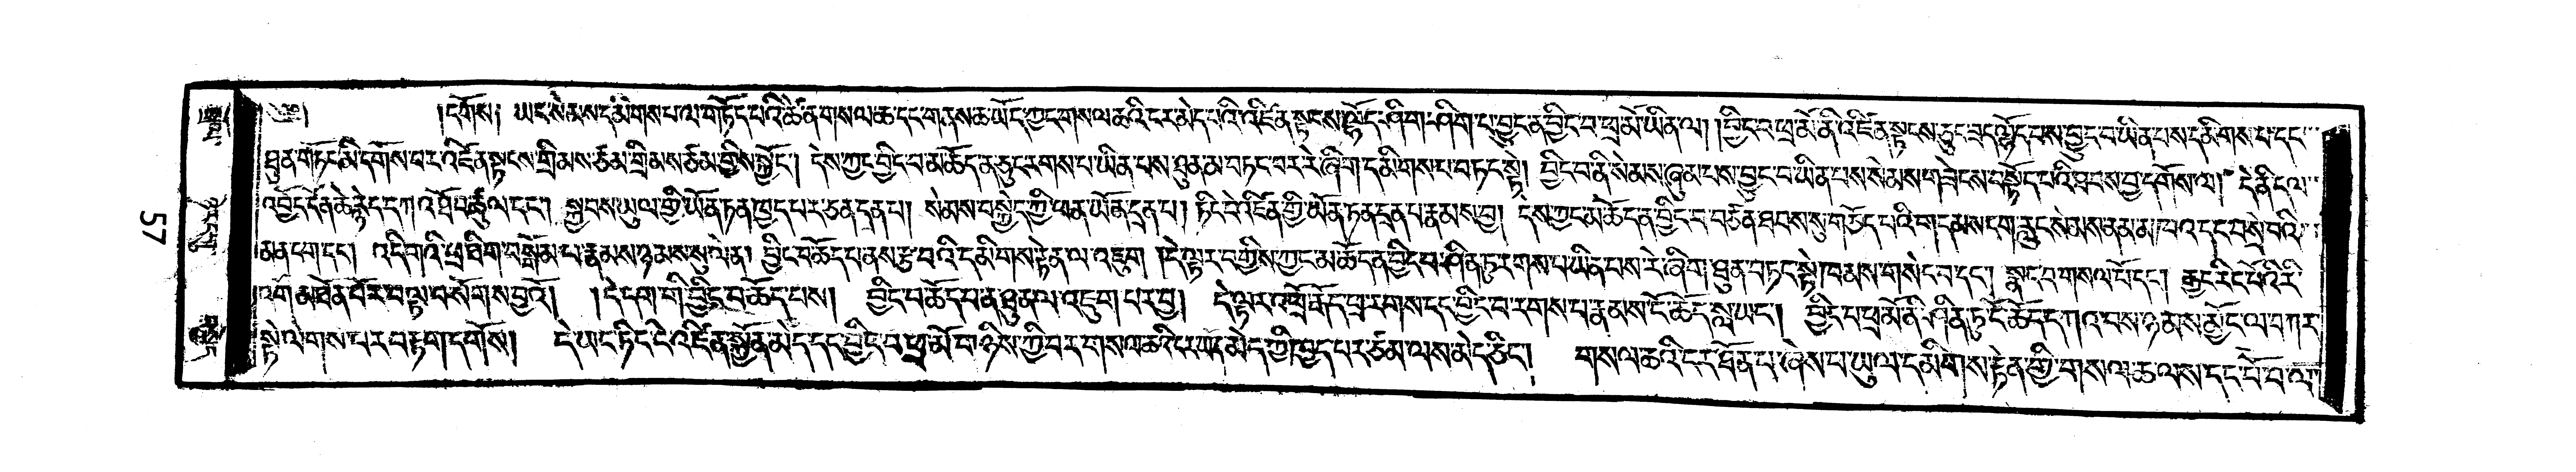༄༅། །དགོས༑ ཡང་སེམས་དམིགས་པ་ལ་གཏོད་པའི་ཚེ་ན་གསལ་ཆ་དང་གནས་ཆ་ཡོད་ཀྱང་གསལ་ཆའི་ངར་མེད་པའི་འཛིན་སྟངས་ལྷོད་ཤིག་ཤིག་པ་བྱུང་ན་བྱིང་བ་ཕྲ་མོ་ཡིན་ལ། བྱིང་བ་ཕྲ་མོ་ནི་འཛིན་སྟངས་ཅུང་ཟད་ལྷོད་པས་བྱུང་བ་ཡིན་པས་དམིགས་པ་དང་
ཐུན་གཏོང་མི་དགོས་པར་འཛིན་སྟངས་གྲིམས་ཙམ་གྲིམས་ཙམ་གྱིས་སྐྱོང་། དེས་ཀྱང་བྱིང་བ་མཆོད་ན་ཅུང་རགས་པ་ཡིན་པས་ཐུན་མ་བཏང་བར་རེ་ཞིག་དམིགས་པ་བཏང་སྟེ། བྱིང་བ་ནི་སེམས་ཞུམ་པས་བྱུང་བ་ཡིན་པས་སེམས་གཟེངས་བསྟོད་པའི་ཐབས་བྱ་དགོས་ལ། དེ་ནི་དལ་
འབྱོར་དོན་ཆེན་རྙེད་དཀའ་ཐོབ་ཚུལ་དང་། སྐྱབས་ཡུལ་གྱི་ཡོན་ཏན་ཁྱད་པར་ཅན་དྲན་པ། སེམས་བསྐྱེད་ཀྱི་ཕན་ཡོན་དྲན་པ། ཏིང་ངེ་འཛིན་གྱི་ཡོན་ཏན་དྲན་པ་རྣམས་བྱ། དེས་ཀྱང་མཆོད་ན་བྱིང་བ་བཙན་ཐབས་སུ་གཅོད་པའི་གདམས་ངག་རླུང་སེམས་ནམ་མཁའ་དང་བསྲེ་བའི་
མན་ངག་དང་། འདི་གའི་ཕྲ་ཐིག་བསྒོམ་པ་རྣམས་ཉམས་སུ་ལེན། བྱིང་བ་ཆོད་པ་ནས་རྩ་བའི་དམིགས་རྟེན་ལ་འཇུག །དེ་ལྟར་བགྱིས་ཀྱང་མཆོད་ན་བྱིང་བ་ཤིན་ཏུ་རགས་པ་ཡིན་པས་རེ་ཞིག་ཐུན་བཏང་སྟེ་ཁམས་གསེང་བ་དང་། སྣང་བ་གསལ་པོ་དང་། རྒྱང་རིང་པོའི་རི་
འགོ་མཐོན་པོར་བལྟ་བ་སོགས་བྱའོ། །དེ་དག་གིས་བྱིང་བ་ཆོད་པས། བྱིང་བ་ཆོད་པ་ན་ཐུན་ལ་འཇུག་པར་བྱ། དེ་ལྟར་འཕྲོ་རྒོད་ཕྲ་རགས་དང་བྱིང་བ་རགས་པ་རྣམས་ངོ་ཆོད་སླ་ཡང་། བྱིང་བ་ཕྲ་མོ་ནི་ཤིན་ཏུ་ངོ་ཆོད་དཀའ་བས་ཉམས་མྱོང་ལ་བཀར་
སྟེ་ལེགས་པར་བརྟག་དགོས། དེ་ཡང་ཏིང་ངེ་འཛིན་སྐྱོན་མེད་དང་བྱིང་བ་ཕྲ་མོ་གཉིས་ཀྱི་བར་གསལ་ཆའི་ངར་ཡོད་མེད་ཀྱི་ཁྱད་པར་ཙམ་ལས་མེད་ཅིང་། གསལ་ཆའི་ངར་ཐོན་པ་ཞེས་པ་ཡུལ་དམིགས་རྟེན་གྱི་གསལ་ཆ་ལས་དང་པོ་པ་ལ་